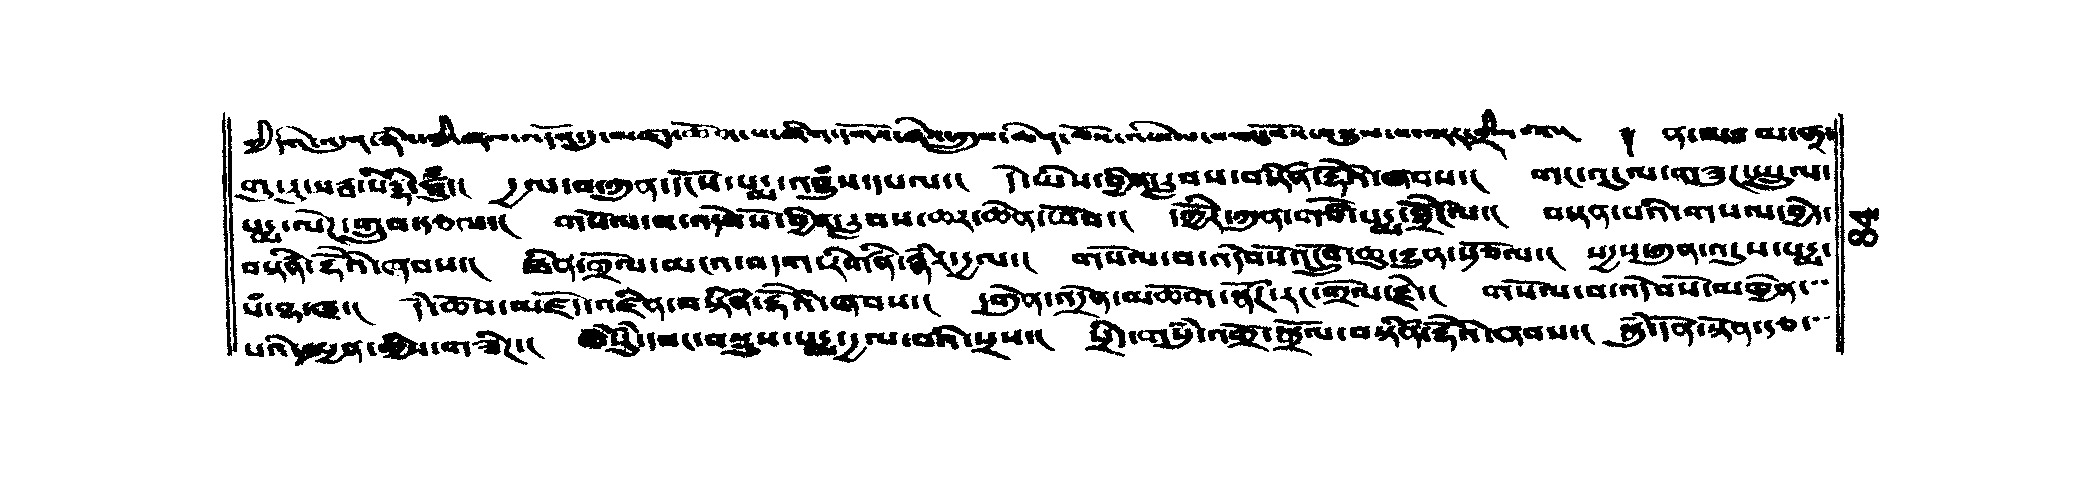གྱི་དགེ་འདུན་རྣམས་ཀྱི་ཞལ་འདོན་དུ་མཛད་ཆོག་པ་ཞིག་དགོས་ཞེས་གྲུབ་ཆེན་ཆོས་འཕེལ་བཟང་པོས་བསྐུལ་པ་ལྟར་བྲིས་པའོ།། ༈ ན་མཿམ་ཧ་
གུ་རུ་སརྦ་སིདྡྷི་ཧཱུྃ། རྒྱལ་བ་ཀུན་དངོས་པདྨ་འབྱུང་གནས་དཔལ། །དེ་ཡིས་བྱིན་རླབས་བསྟན་འཛིན་རྡོ་རྗེའི་ཞབས། །གང་འདུལ་གཟུགས་སྤྲུལ་
པདྨ་ལེགས་གྲུབ་རྩལ། །གསོལ་བ་འདེབས་སོ་བྱིན་རླབས་ཆར་ཆེན་ཕོབ། །དཀྱིལ་འཁོར་ཀུན་གཙོ་པདྨ་ཐོད་ཕྲེང་རྩལ། །བསྟན་པའི་གསལ་བྱེད་
བསྟན་འཛིན་རྡོ་རྗེའི་ཞབས། །སྨིན་གྲོལ་མངའ་བདག་རིག་འཛིན་རྣམ་པར་རྒྱལ། །གསོལ་བ་འདེབས་སོ་དངོས་གྲུབ་ཆུ་རྒྱུན་སྩོལ། །སངས་རྒྱས་ཀུན་འདུས་པདྨ་
སཾ་བྷ་ཝ། །དམ་ཆོས་མཛོད་འཛིན་བསྟན་འཛིན་རྡོ་རྗེའི་ཞབས། །དགེ་འདུན་འདྲེན་མཆོག་སྣ་ཚོགས་རང་གྲོལ་རྗེ། །གསོལ་བ་འདེབས་སོ་མཁྱེན་
པའི་སྤྱན་གྱིས་གཟིགས། །ཁམས་གསུམ་དབང་བསྡུས་པདྨ་རྒྱལ་བའི་སྲས། །སྲིད་གསུམ་འགྲོ་སྒྲོལ་བསྟན་འཛིན་རྡོ་རྗེའི་ཞབས། །སྐུ་གསུམ་དོན་སྟོན་རྩ་